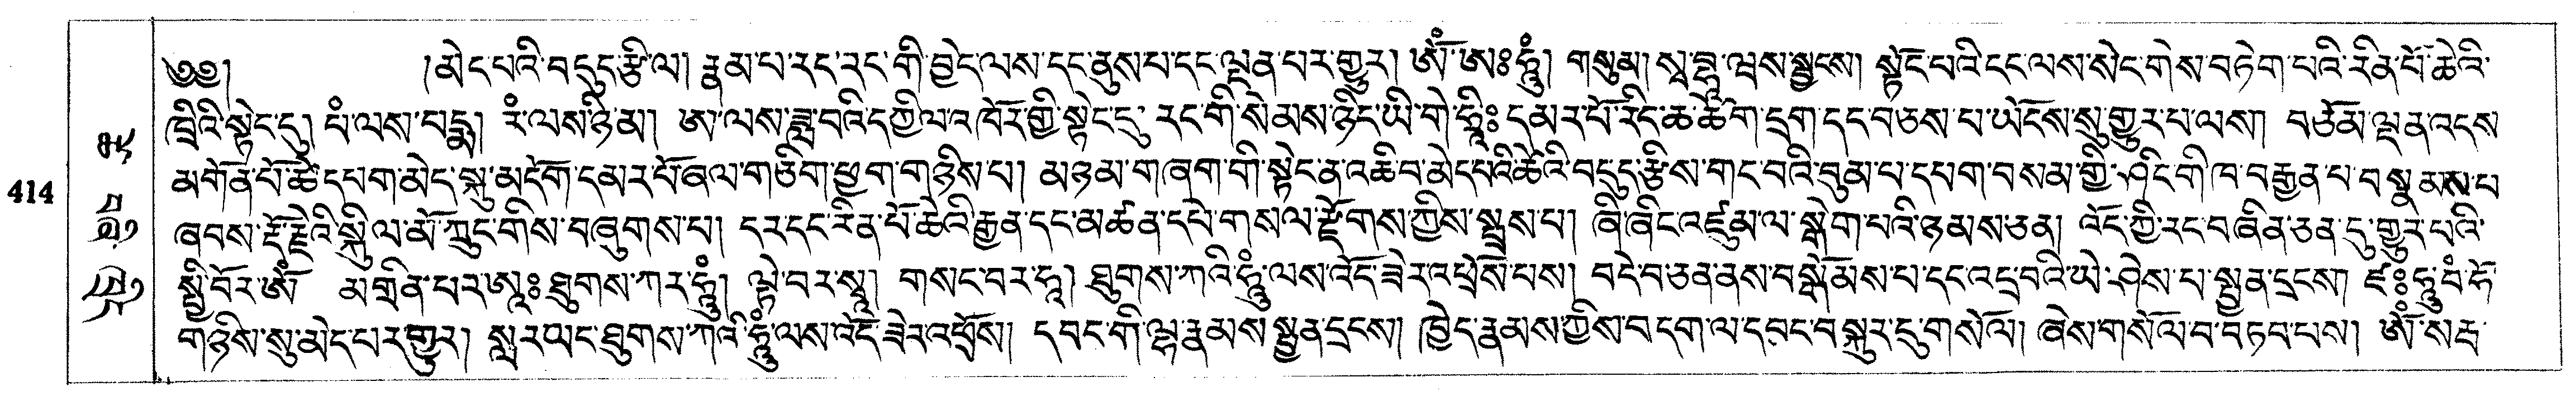༄༅། །མེད་པའི་བདུད་རྩི་ལ། རྣམ་པ་རང་རང་གི་བྱེད་ལས་དང་ནུས་པ་དང་ལྡན་པར་གྱུར། ཨོཾ་ཨཿ ཧཱུཾ། གསུམ། སྭ་བྷཱ་ཝས་སྦྱངས། སྟོང་པའི་ངང་ལས་སེང་གེས་བཏེག་པའི་རིན་པོ་ཆེའི་
ཁྲིའི་སྟེང་དུ། པཾ་ལས་པདམ། རཾ་ལས་ཉི་མ། ཨ་ལས་ཟླ་བའི་དཀྱིལ་འཁོར་གྱི་སྟེང་དུ་རང་གི་སེམས་ཉིད་ཡི་གེ་ཧྲཱིཿ དམར་པོ་རིང་ཆ་ཚེག་དྲག་དང་བཅས་པ་ཡོངས་སུ་གྱུར་པ་ལས། བཅོམ་ལྡན་འདས་
མགོན་པོ་ཚེ་དཔག་མེད་སྐུ་མདོག་དམར་པོ་ཞལ་གཅིག་ཕྱག་གཉིས་པ། མཉམ་གཞག་གི་སྟེང་ན་འཆི་བ་མེད་པའི་ཚེའི་བདུད་རྩིས་གང་བའི་བུམ་པ་དཔག་བསམ་གྱི་ཤིང་གི་ཁ་བརྒྱན་པ་བསྣམས་པ་
ཞབས་རྡོ་རྗེའི་སྐུ་ལི?་མོ་ཀྲུང་གིས་བཞུགས་པ། དར་དང་རིན་པོ་ཆེའི་རྒྱན་དང་མཚན་དཔེ་གསལ་རྫོགས་ཀྱིས་སྤྲས་པ། ཞི་ཞིང་འཛུམ་ལ་སྒེག་པའི་ཉམས་ཅན། འོད་ཀྱི་རང་བཞིན་ཅན་དུ་གྱུར་པའི་
སྤྱི་བོར་ཨོཾ་མགྲིན་པར་ཨཱཿ ཐུགས་ཀར་ཧཱུཾ། ལྟེ་བར་སྭཱ། གསང་བར་ཧཱ། ཐུགས་ཀའི་ཧཱུཾ་ལས་འོད་ཟེར་འཕྲོས་པས། བདེ་བ་ཅན་ནས་བསྒོམས་པ་དང་འདྲ་བའི་ཡེ་ཤེས་པ་སྤྱན་དྲངས། ཛཿ ཧཱུ་བཾ་ཧོ་
གཉིས་སུ་མེད་པར་གྱུར། སླར་ཡང་ཐུགས་ཀའི་ཧཱུཾ་ལས་འོད་ཟེར་འཕྲོས། དབང་གི་ལྷ་རྣམས་སྤྱན་དྲངས། ཁྱེད་རྣམས་ཀྱིས་བདག་ལ་དབང་བསྐུར་དུ་གསོལ། ཞེས་གསོལ་བ་བཏབ་པས། ཨོཾ་སརྦ་